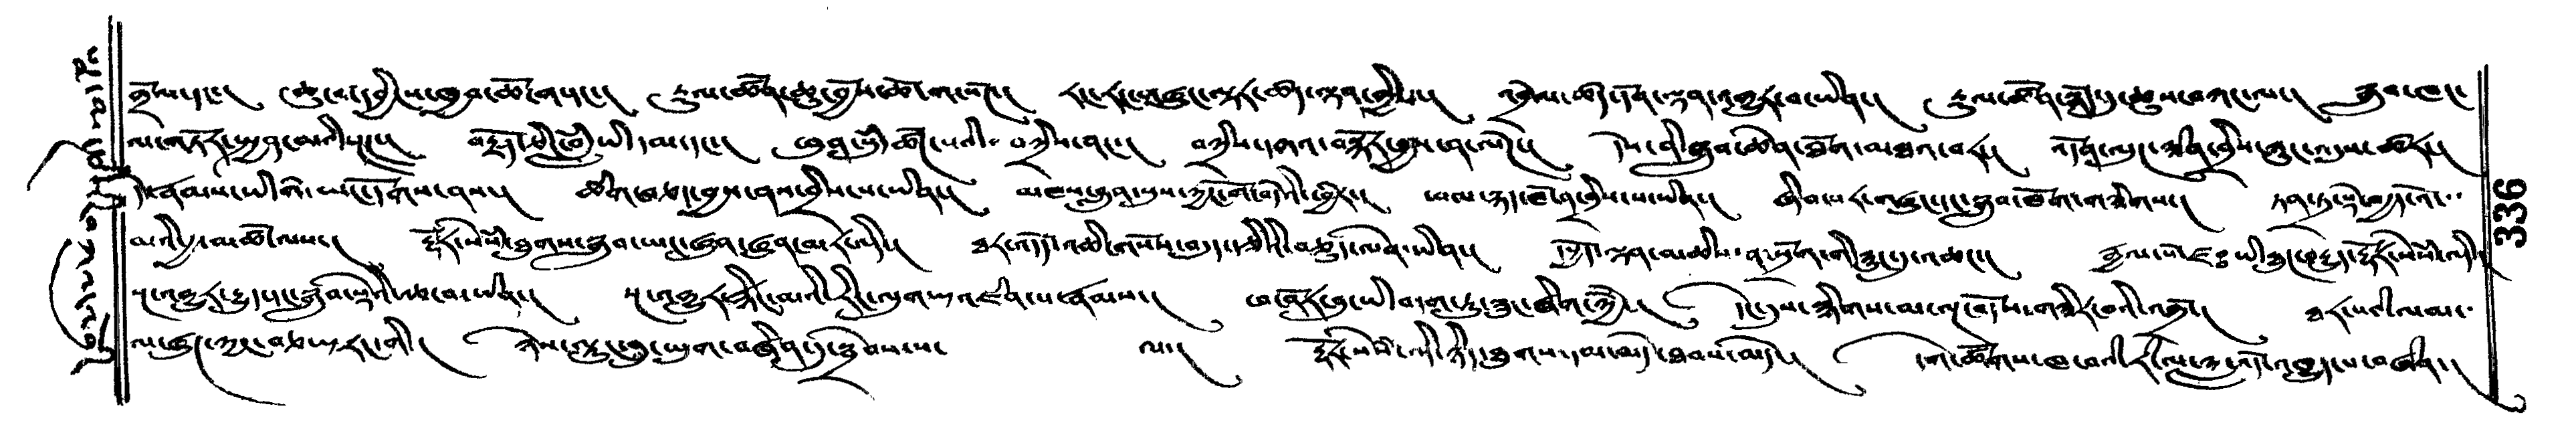གྲོལ་དང་། །ཆུ་བོ་དབྱིངས་ཁྱབ་ཆོ་ག་དང་། །རྡུལ་ཚོན་ཆུར་བྱོ་ཆོ་ག་སོགས། །རང་རང་གཞུང་ལྟར་ཚད་ལྡན་བྱ། །འབྲེལ་ཚད་དོན་ལྡན་འགྱུར་བ་ཡིན། །རྡུལ་མཚོན་སྣོད་དུ་ཆུས་བཀང་ལ། །སྒྲུབ་ཁང་
ལ་གཏོར་སྤྱན་མའི་སྔགས། །བརྗོད་ཅིང་བླ་མ་ཡི་དམ་དང་། །ཕུན་སུམ་ཚོགས་པའི་བཀྲ་ཤིས་ནང་། །བཀྲ་ཤིས་དགའ་བསྐོར་བྱས་ན་ལེགས། །དེས་ནི་སྒྲུབ་ཆེན་ཐོག་མཐའ་བར། །འདོན་ལུགས་ཟིན་བྲིས་ཉུང་འདུས་ཚར། །
དེ་རྣམས་ཡི་གེ་མང་དོགས་ནས། །ཚིགས་བཅད་བྱས་ནས་བྲིས་པ་ཡིན། །མཁས་བླུན་སུས་ཀྱང་གོ་བདེའི་ཕྱིར། །ཕལ་སྐད་ཁོ་ནས་བྲིས་པ་ཡིན། །ཞིབ་པར་གཞུང་དང་སྒྲུབ་ཁོག་གཟིགས། །ཏནྟྲ་སྡེ་བརྒྱད་འོ་
མའི་རྒྱ་མཚོ་ལས། །རྡོར་སེམས་ཐུགས་སྒྲུབ་ཡང་ཞུན་ཞུན་མར་འདི། །ཐར་འདོད་འཆི་གསོས་བདུད་རྩིའི་བཅུད་ལེན་ཡིན། །དཔྱོད་ལྡན་མཆིས་ན་སྲོག་གི་གཟུངས་སུ་ཆོངས། །རྒྱལ་པོ་ཛཿཡི་ཐུགས་བཅུད་རྡོར་སེམས་འདི། །
སྔ་འགྱུར་རྒྱུད་དང་སྒྲུབ་སྡེའི་རྩ་བ་ཡིན། །སྔ་འགྱུར་རྙིང་མའི་རིང་ལུགས་འཛིན་པ་རྣམས། །ཕ་ནོར་བུ་ཡི་བདག་ཏུ་ཟུངས་ཤིག་ཀྱཻ། །དེང་དུས་སྙིགས་མ་ལྔ་བདོས་གཟིར་བའི་འགྲོ། །ཐར་པའི་ལམ་
ལ་ཞུགས་ཀྱང་བཅས་རང་གི།ཉེས་ལྟུང་བུ་ཡུག་བཞིན་དུ་འཚུབས་པ་ལ། །རྡོར་སེམས་འདི་ཉིད་ཐུགས་དམ་མེད་ཐབས་མེད། །དགེ་ཚོགས་ཁ་བའི་རི་ལ་ཟླ་འོད་འཁྱུད་པ་བཞིན།